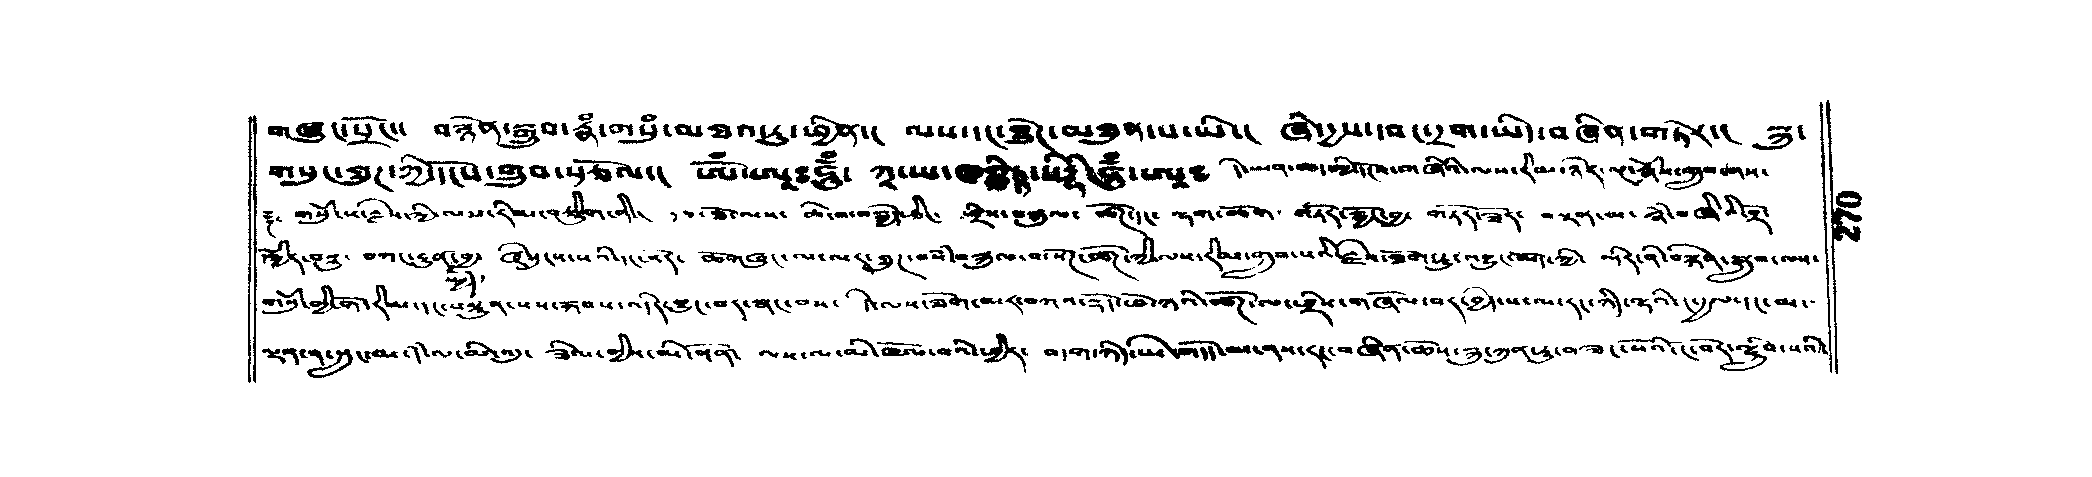གཞུང་སྲོང་། །བསྙེན་སྒྲུབ་རྣམ་གསུམ་མཐའ་རུ་ཕྱིན། །ལས་དང་ཐུགས་རྗེ་མཐུན་པ་ཡི། །ཞི་རྒྱས་དབང་དྲག་ཡིད་བཞིན་གཏེར། །སྐུ་
གསུང་ཐུགས་ཀྱི་དངོས་གྲུབ་སྩོལ། ། ཨོཾ་ཨཱཿཧཱུྃ། ཀཱ་ཡ་ཝཀྩིཏྟ་སིདྡྷི་ཧཱུྃ་ཨཱཿ དེ་ཡན་ཆད་ཀྱི་དངོས་གཞིའི་ལས་རིམ་ཉེར་ལྔ་རྣམས་གྲུབ་ནས། 
༈ གསུམ་པ་རྗེས་ཀྱི་ལས་རིམ་བཅུ་གཅིག་ནི།རྩ་ཐོ་ལས་ཆེ་བ་བསྐྱེད་ཅིང་། ཕྲིན་ལས་བསྐུལ། ཚོགས་དང་། ལྷག་ཆོག་གཏོར་སྦྱོང་བྱ། གཏོར་ཟོར། བསྟན་མ་རྣམ་བཞིའི་བྲོ། 
དཀྱིལ་འཁོར་བསྡུ། བཀང་རྒྱུན་སྤྱོད་བྱ། ཞེས་གསུངས་པའི་དང་པོར། ཆོག་གཞུང་ལ་ལར་ཐུགས་བསམ་བསྐུལ་བ་སོགས་ཚོགས་ཀྱི་ལས་རིམ་གྲུབ་པའི་རྗེས་ཐོག་ཏུ་འབྱུང་མོད་ཀྱི། འདིར་ནི་བསྙེན་སྒྲུབ་ལས་
གསུམ་གྱི་གོ་རིམ་དང་བསྟུན་ནས་སྐབས་འདིར་བྱུང་བར་སྣང་བས། དེ་ལས་ཐོག་མར་བཀའ་སྡོད་ཕོ་ཉའི་ཚོགས་ལ་ཕྲིན་ལས་གཞོལ་བར་བྱེད་པ་ལ་རང་ཉིད་ལྷའི་ང་རྒྱལ་དང་མ་
ལྡན་ན་སྲུང་མ་དམ་ལ་མི་འདུ། ཟིལ་གྱིས་མི་ནོན། ལས་ལ་མི་ཁོལ་བའི་ཕྱིར། བདག་ཉིད་ཡེ་གདོད་མ་ནས་རང་བཞིན་ཆོས་སྐུ་ཀུན་ཏུ་བཟང་པོའི་ངོ་བོར་ལྷུན་གྱིས་གྲུབ་པའི་